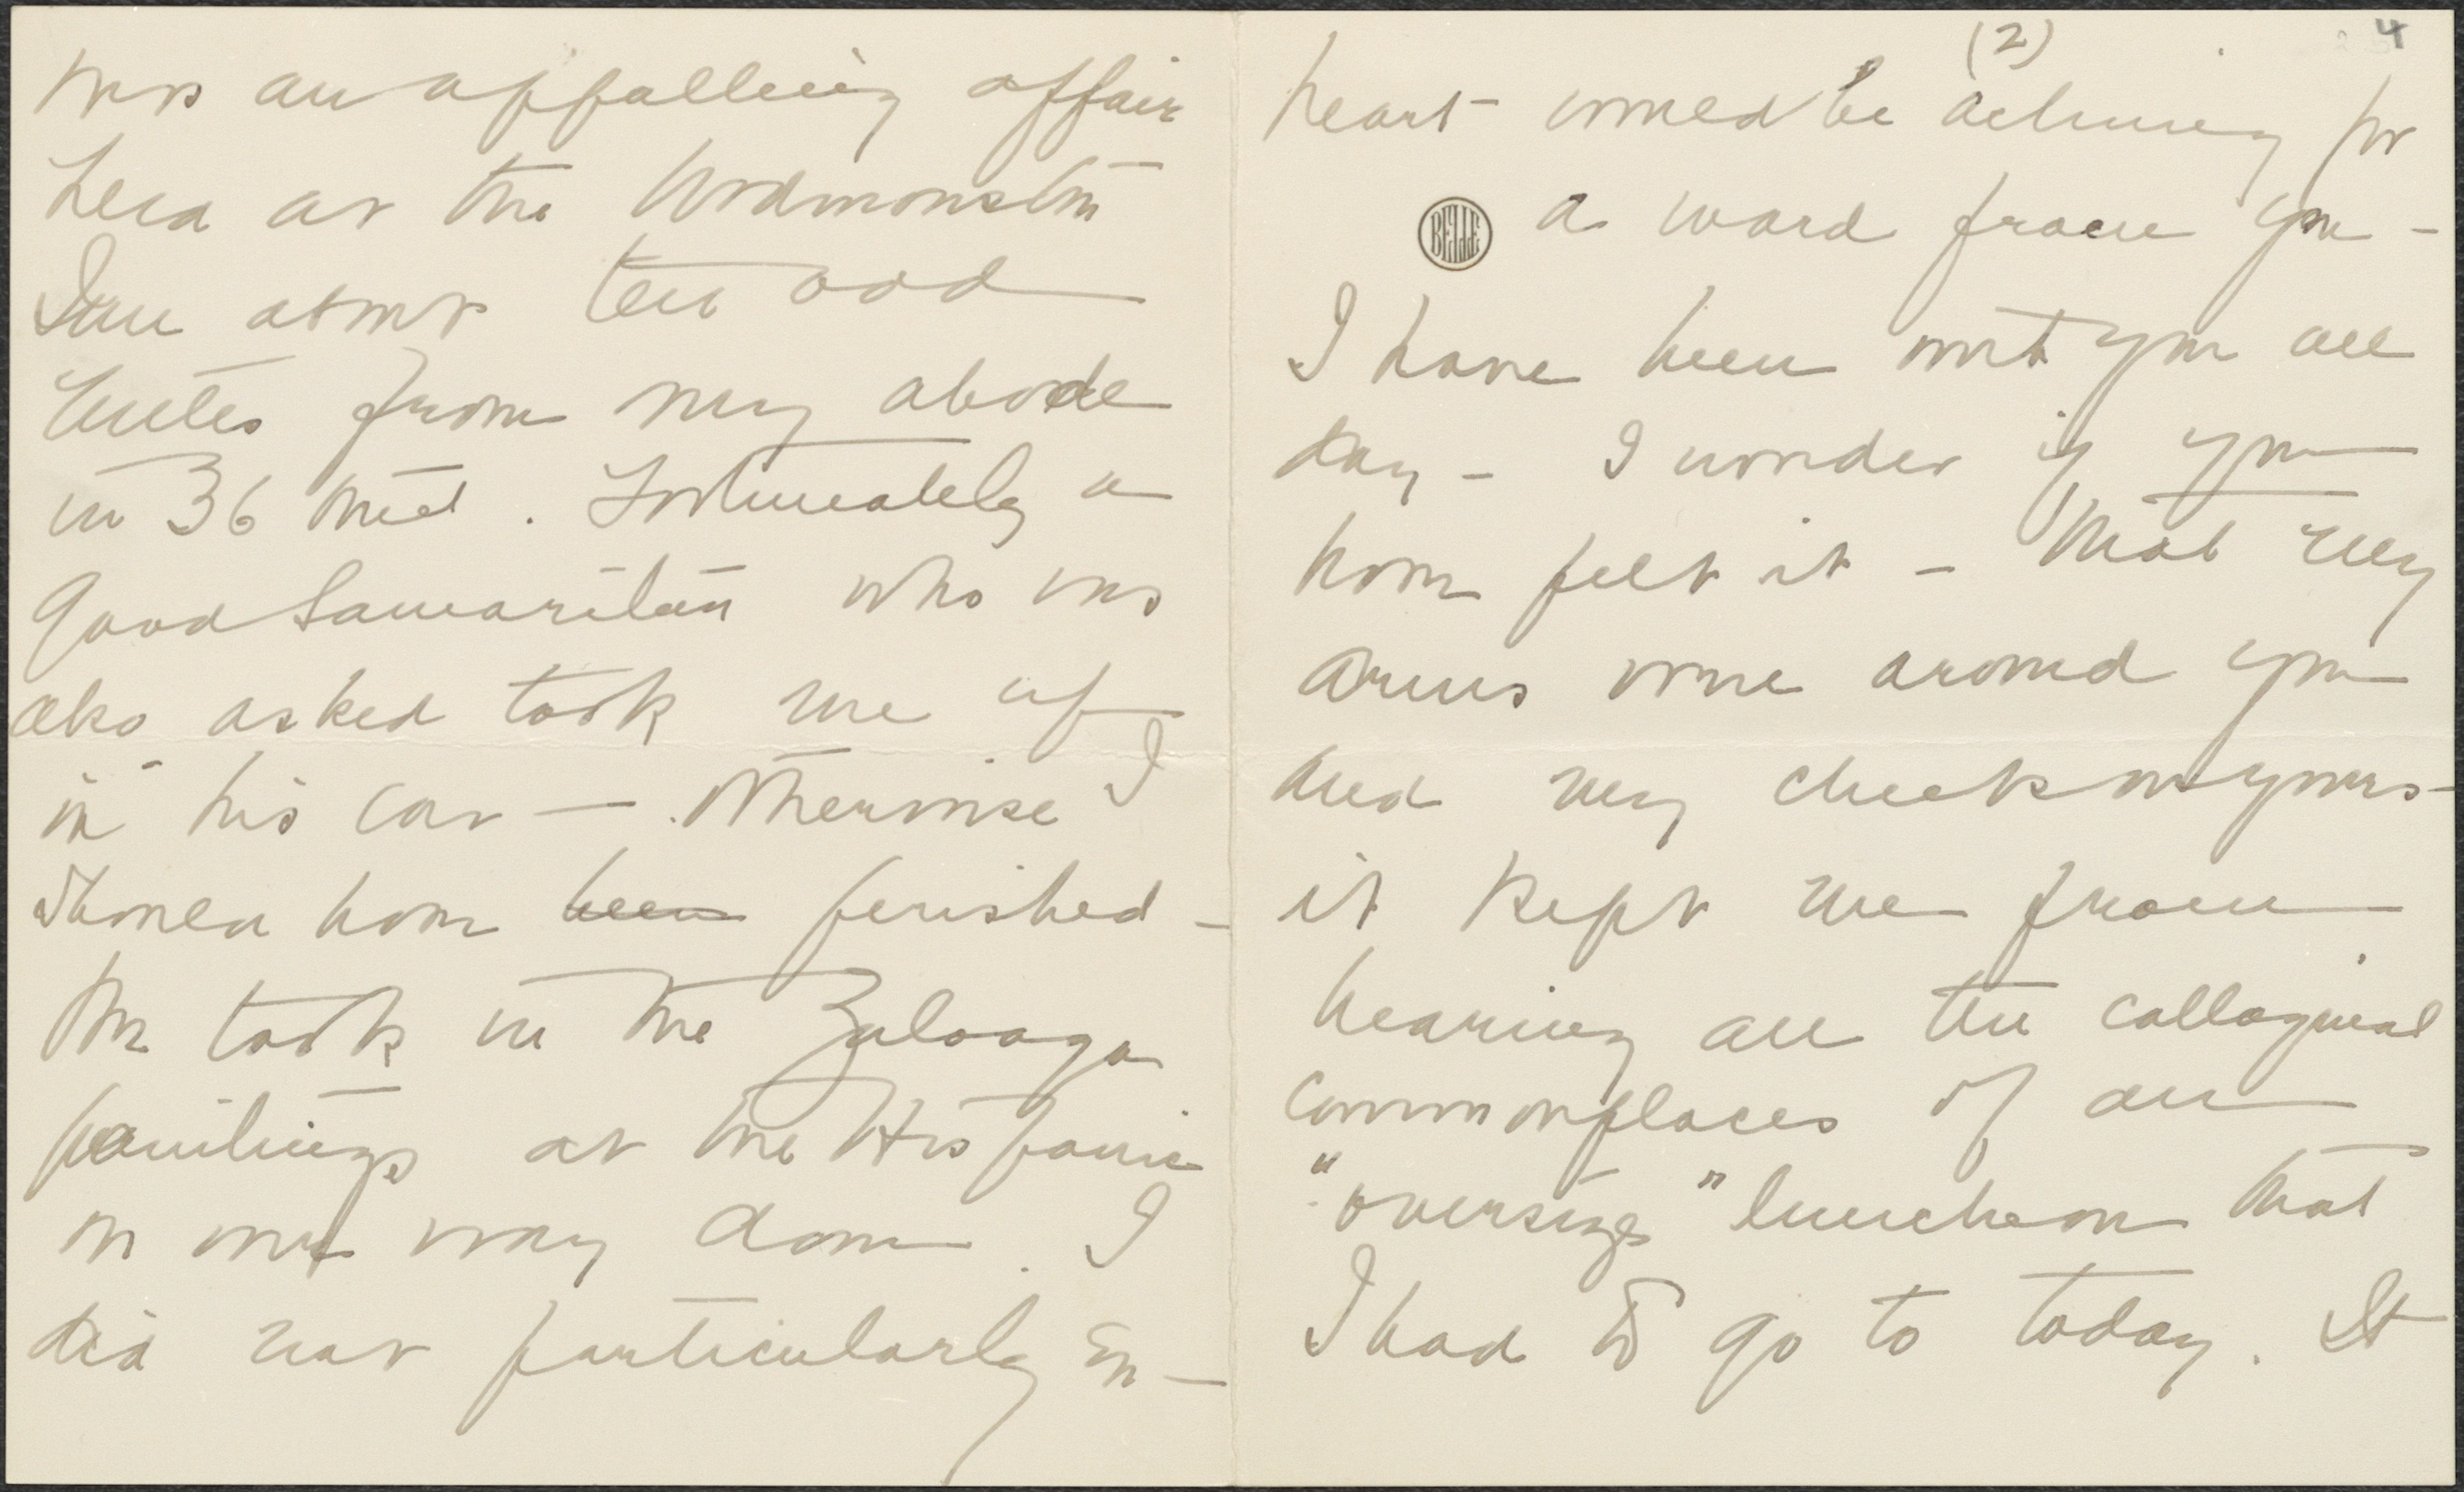(2)
heart would be aching for a word from you – I have been with you all day – I wonder if you have felt it – that my arms were around you and my cheek on yours – it kept me from hearing all the colloquial commonplaces of an “oversize” luncheon that I had to go to today. It
was an appalling affair held at the Wodmanston [sic] Inn almost ten odd miles from my abode in 36 street. Fortunately a Good Samaritan who was also asked took me up in his car – otherwise I should have been perished – We took in the Zuloaga paintings at the Hispanic on our way down. I did not particularly enjoy